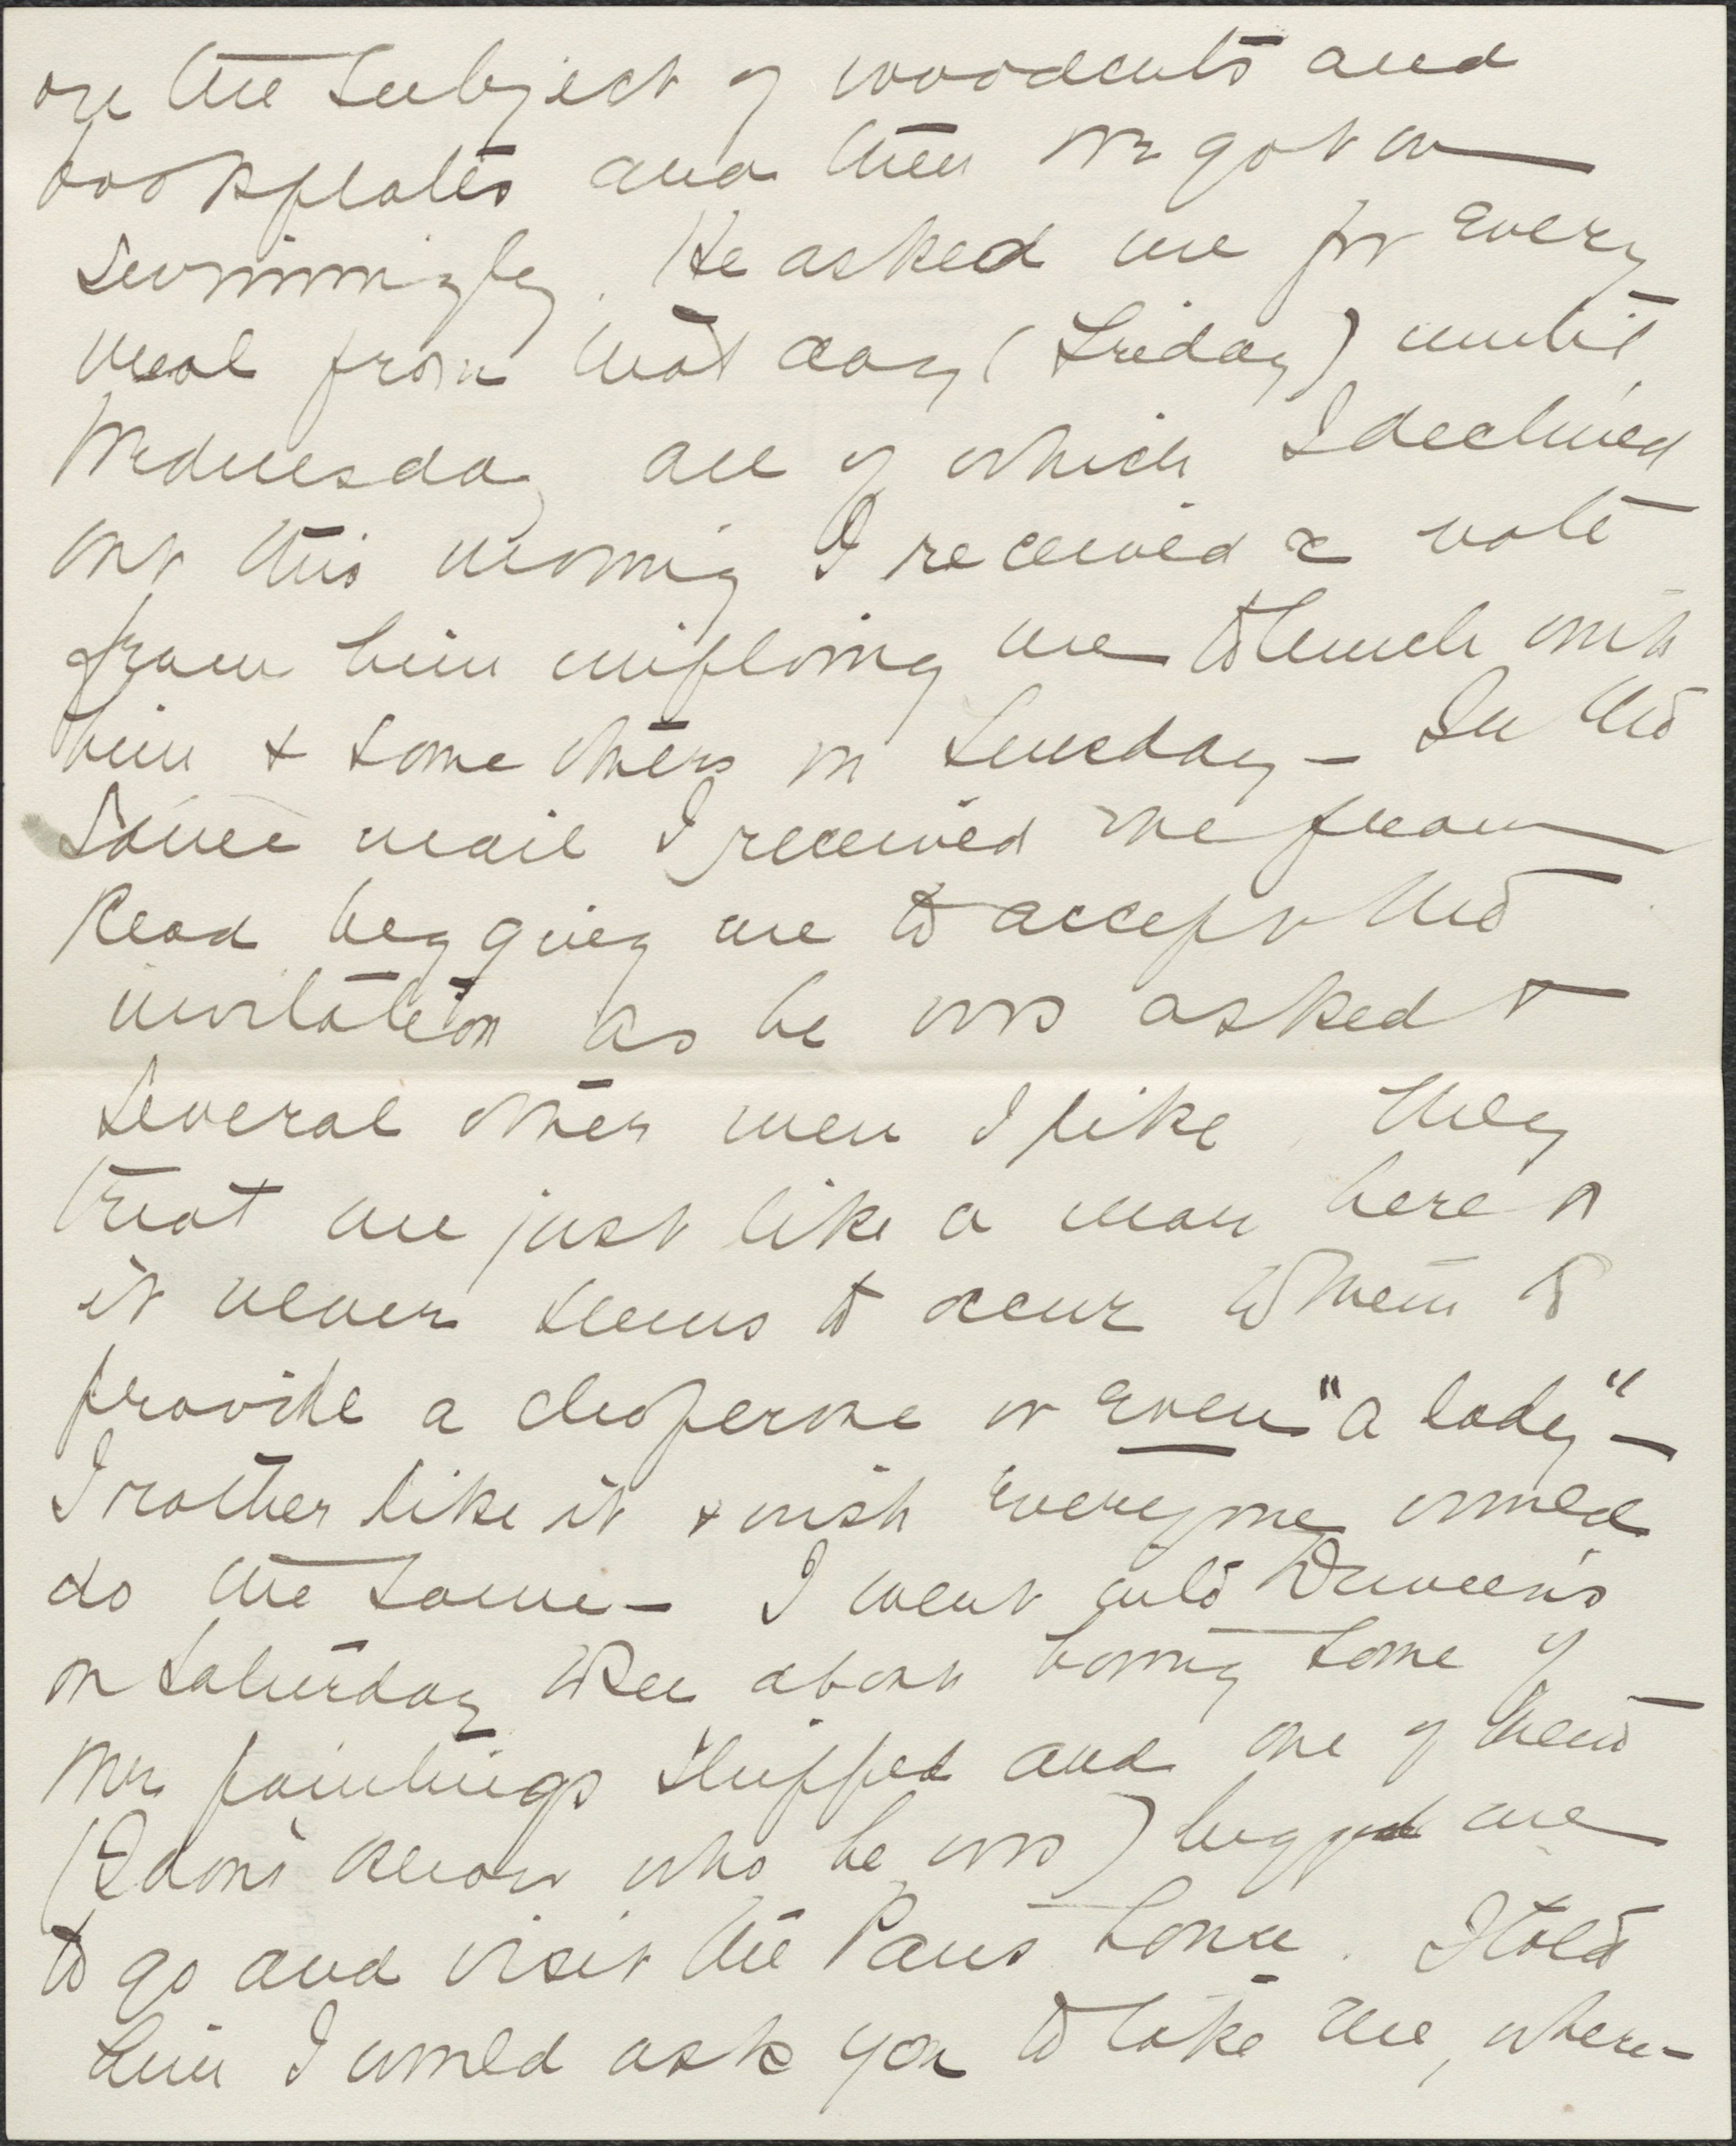on the subject of woodcuts and bookplates and then we got on swimmingly. He asked me for every meal from that day (Friday) until Wednesday, all of which I declined but this morning I received a note from him imploring me to lunch with him & some others on Tuesday – In the same mail I received one from Read begging me to accept the invitation as he was asked & several other men I like They treat me just like a man here & it never seems to occur to them to provide a chaperone or even “a lady” – I rather like it & wish everyone would do the same – I went into Duveen’s on Saturday to see about having some of our paintings shipped and one of them (I don’t know who he was) begged me to go and visit the Paris house. I told him I would ask you to take me, whereupon